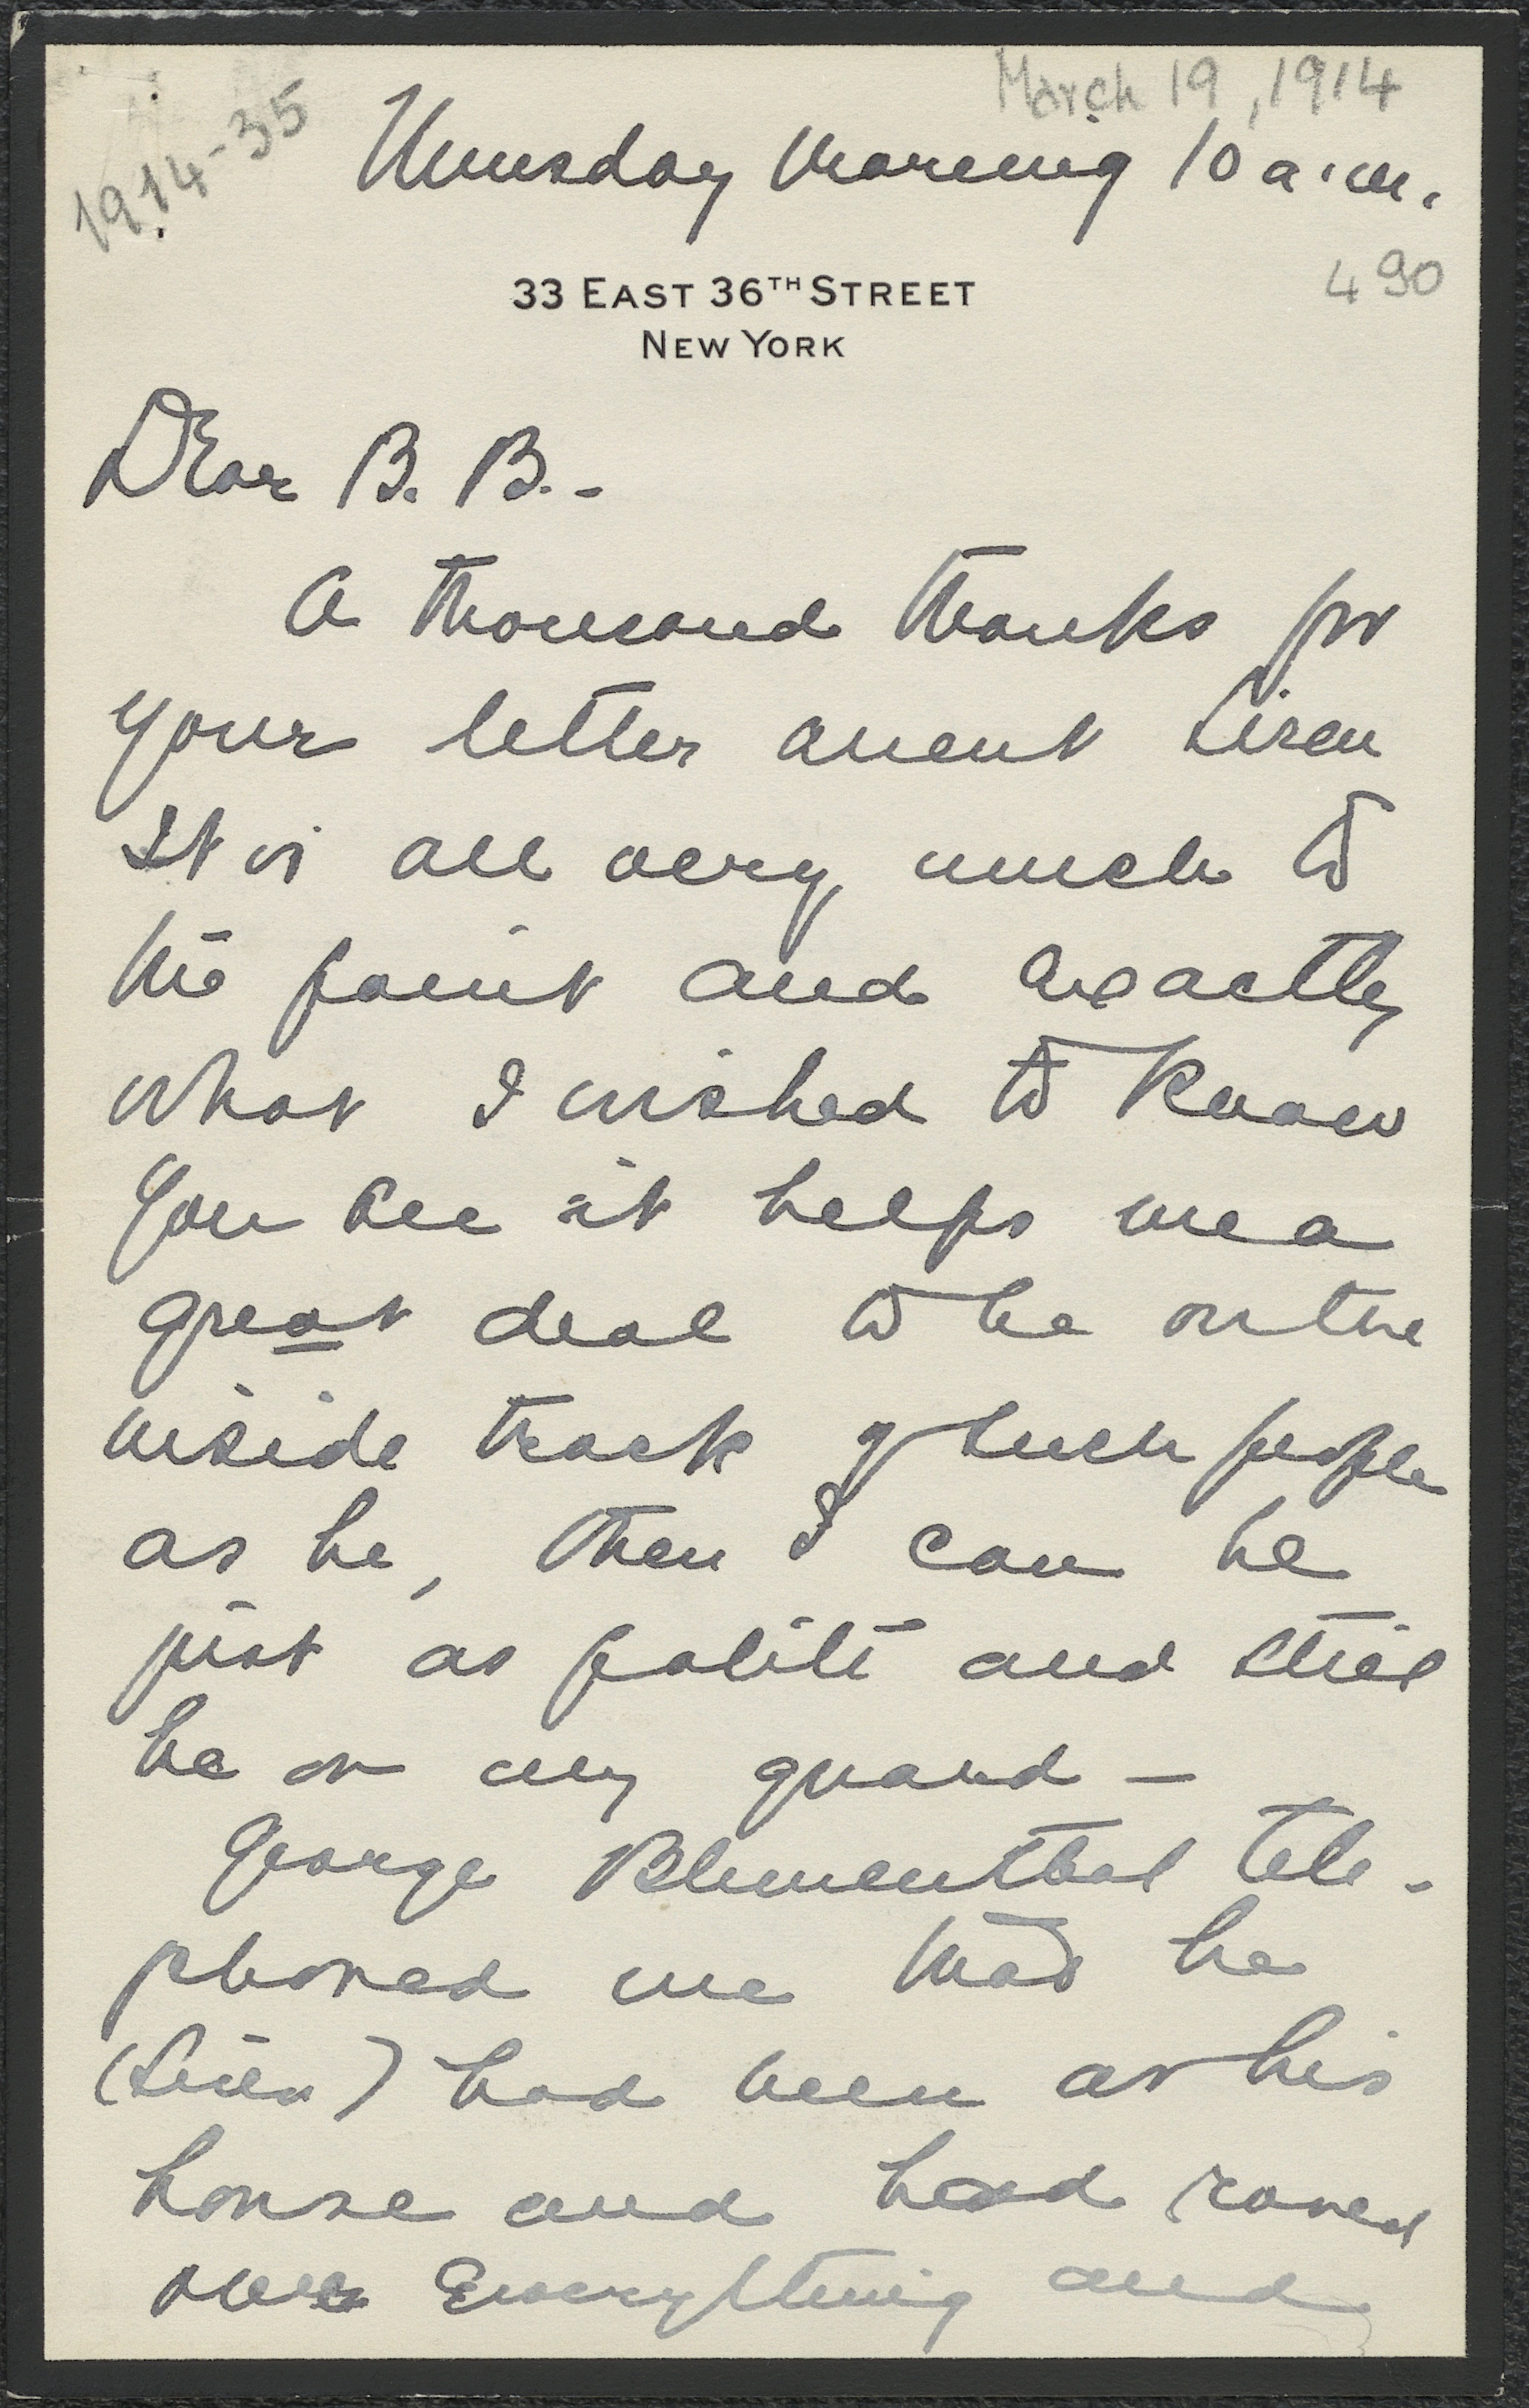Thursday morning 10 a.m.
Dear B.B. –
A thousand thanks for your letter anent Siren It is all very much to the point and exactly what I wished to know You see it helps me a great deal to be on the inside track of such people as he, then I can be just as polite and still be on my guard –
George Blumenthal telephoned me that he (Sirén) had been at his house and had raved over everything and